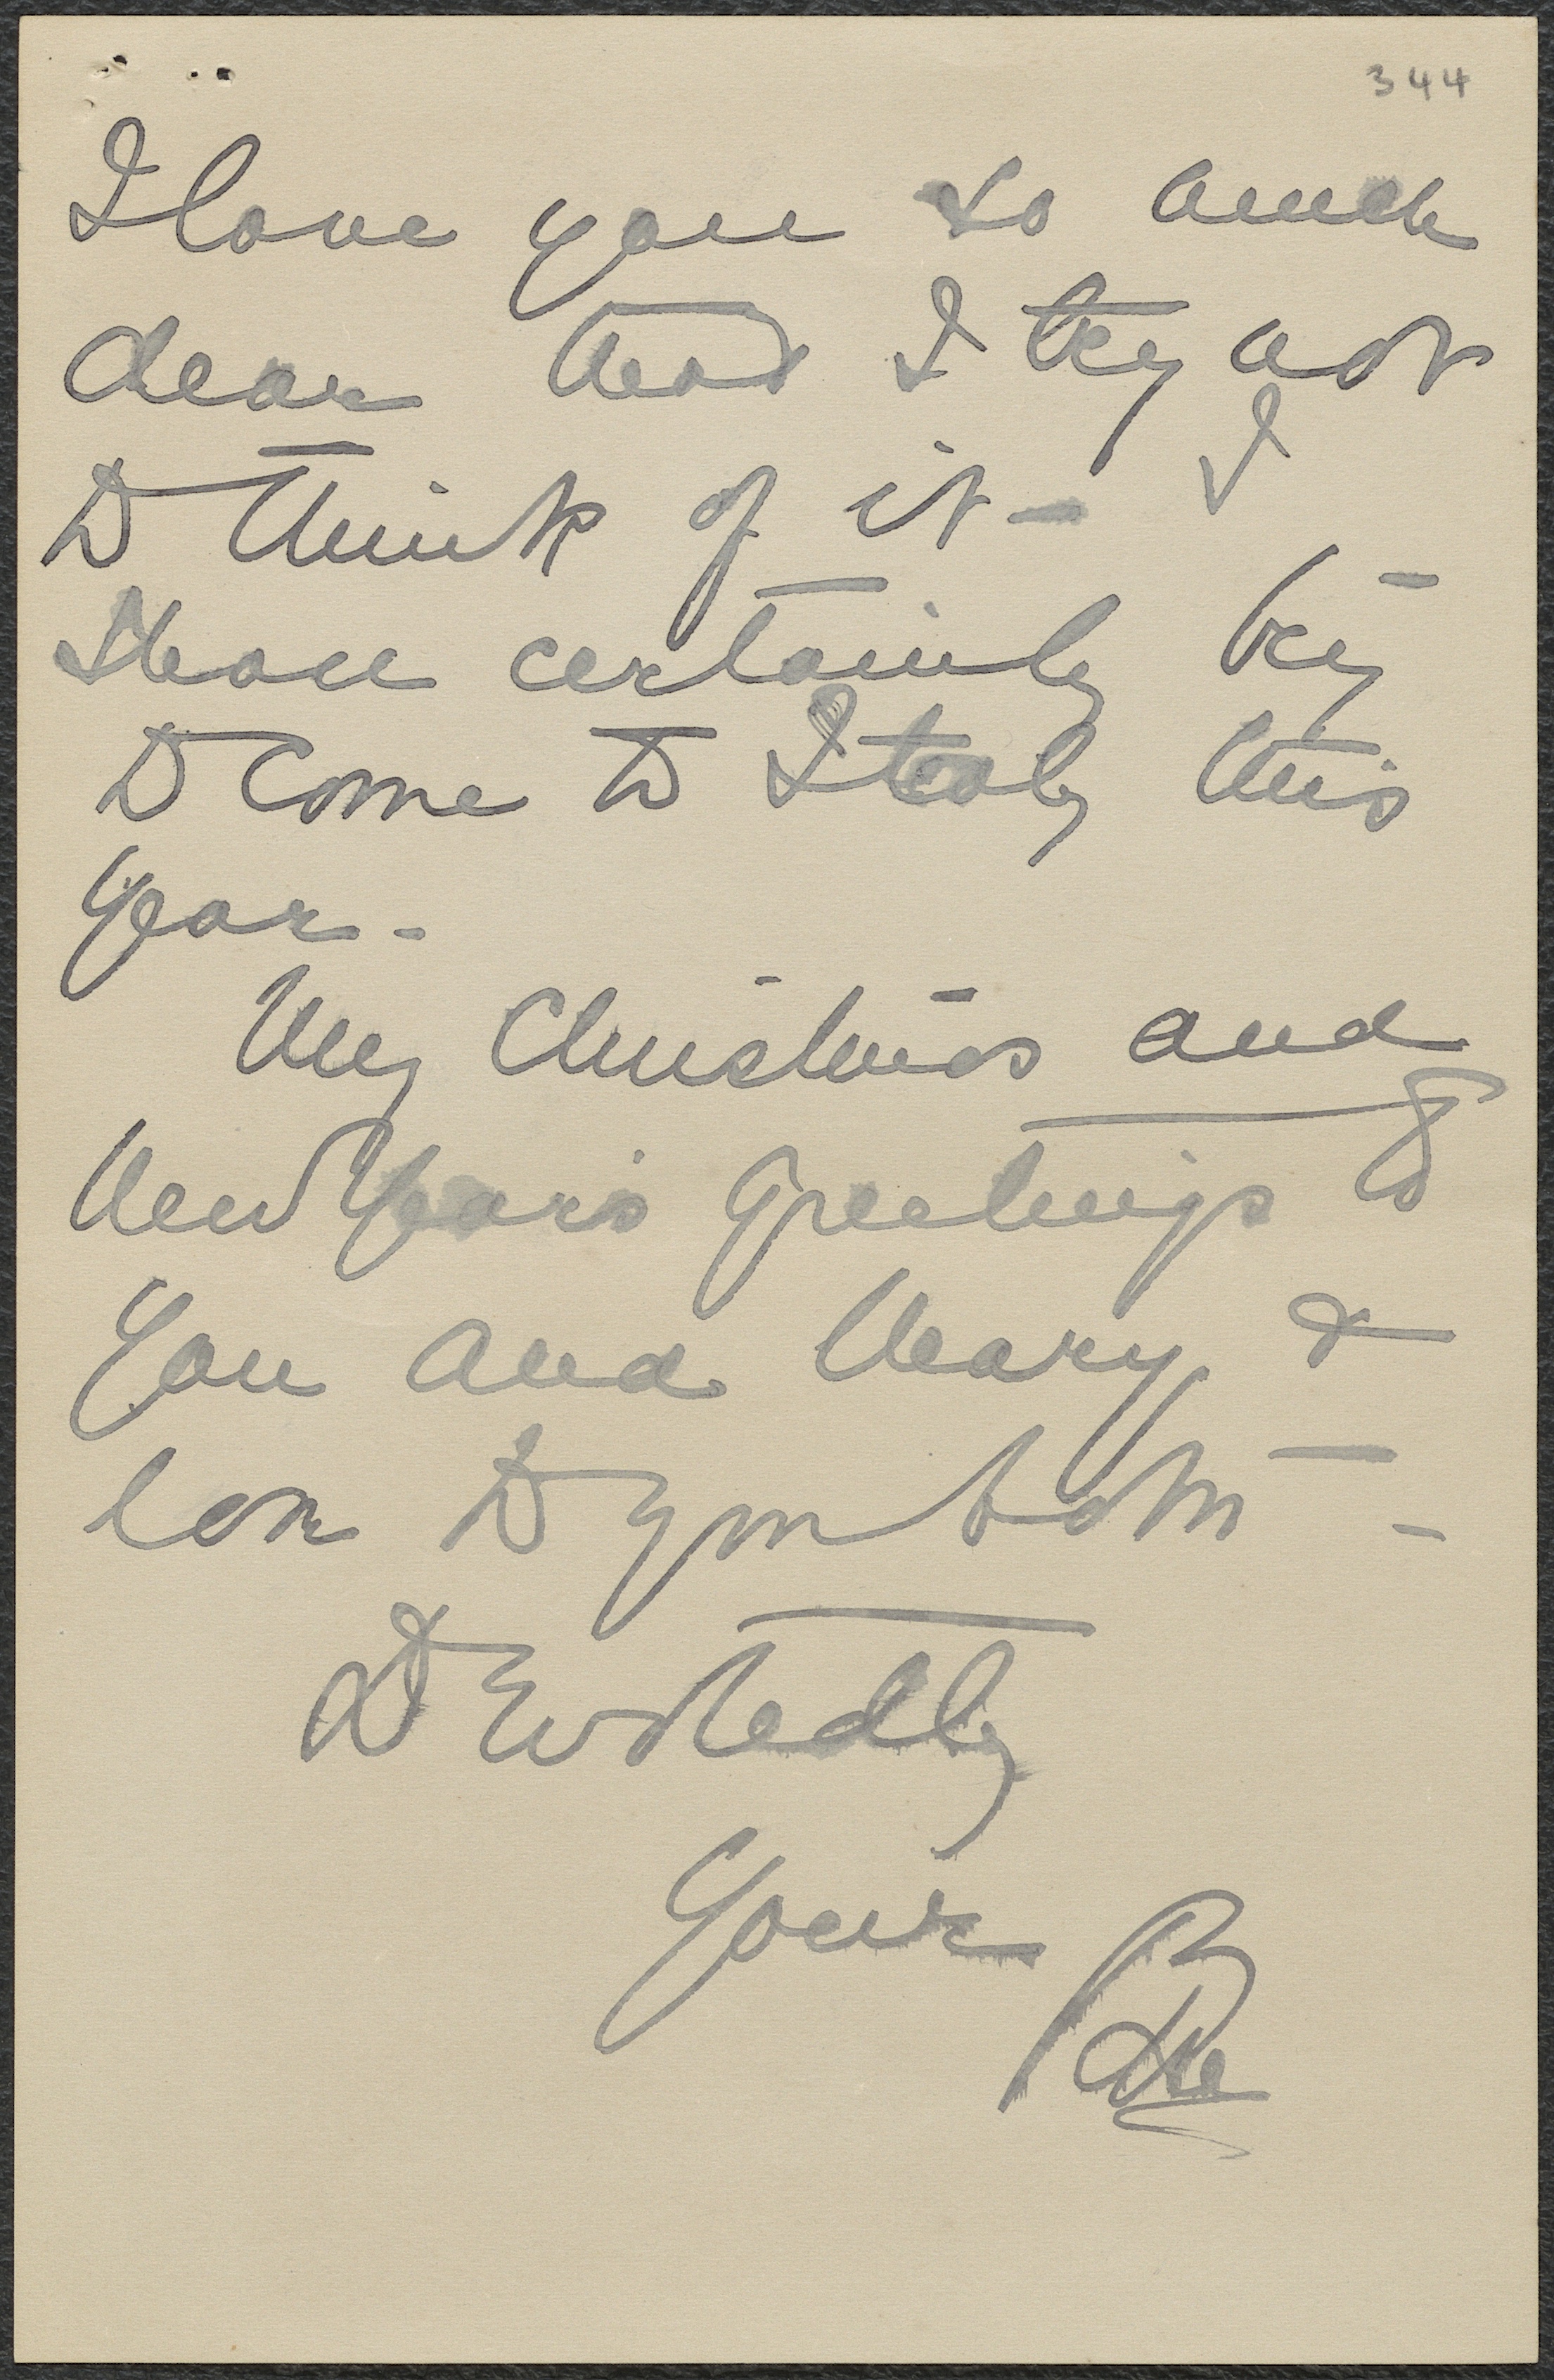I love you so much dear that I try not to think of it – I shall certainly try to come to Italy this year – My Christmas and New Year’s greetings to you and Mary & love to you both –
Devotedly
Your
Belle